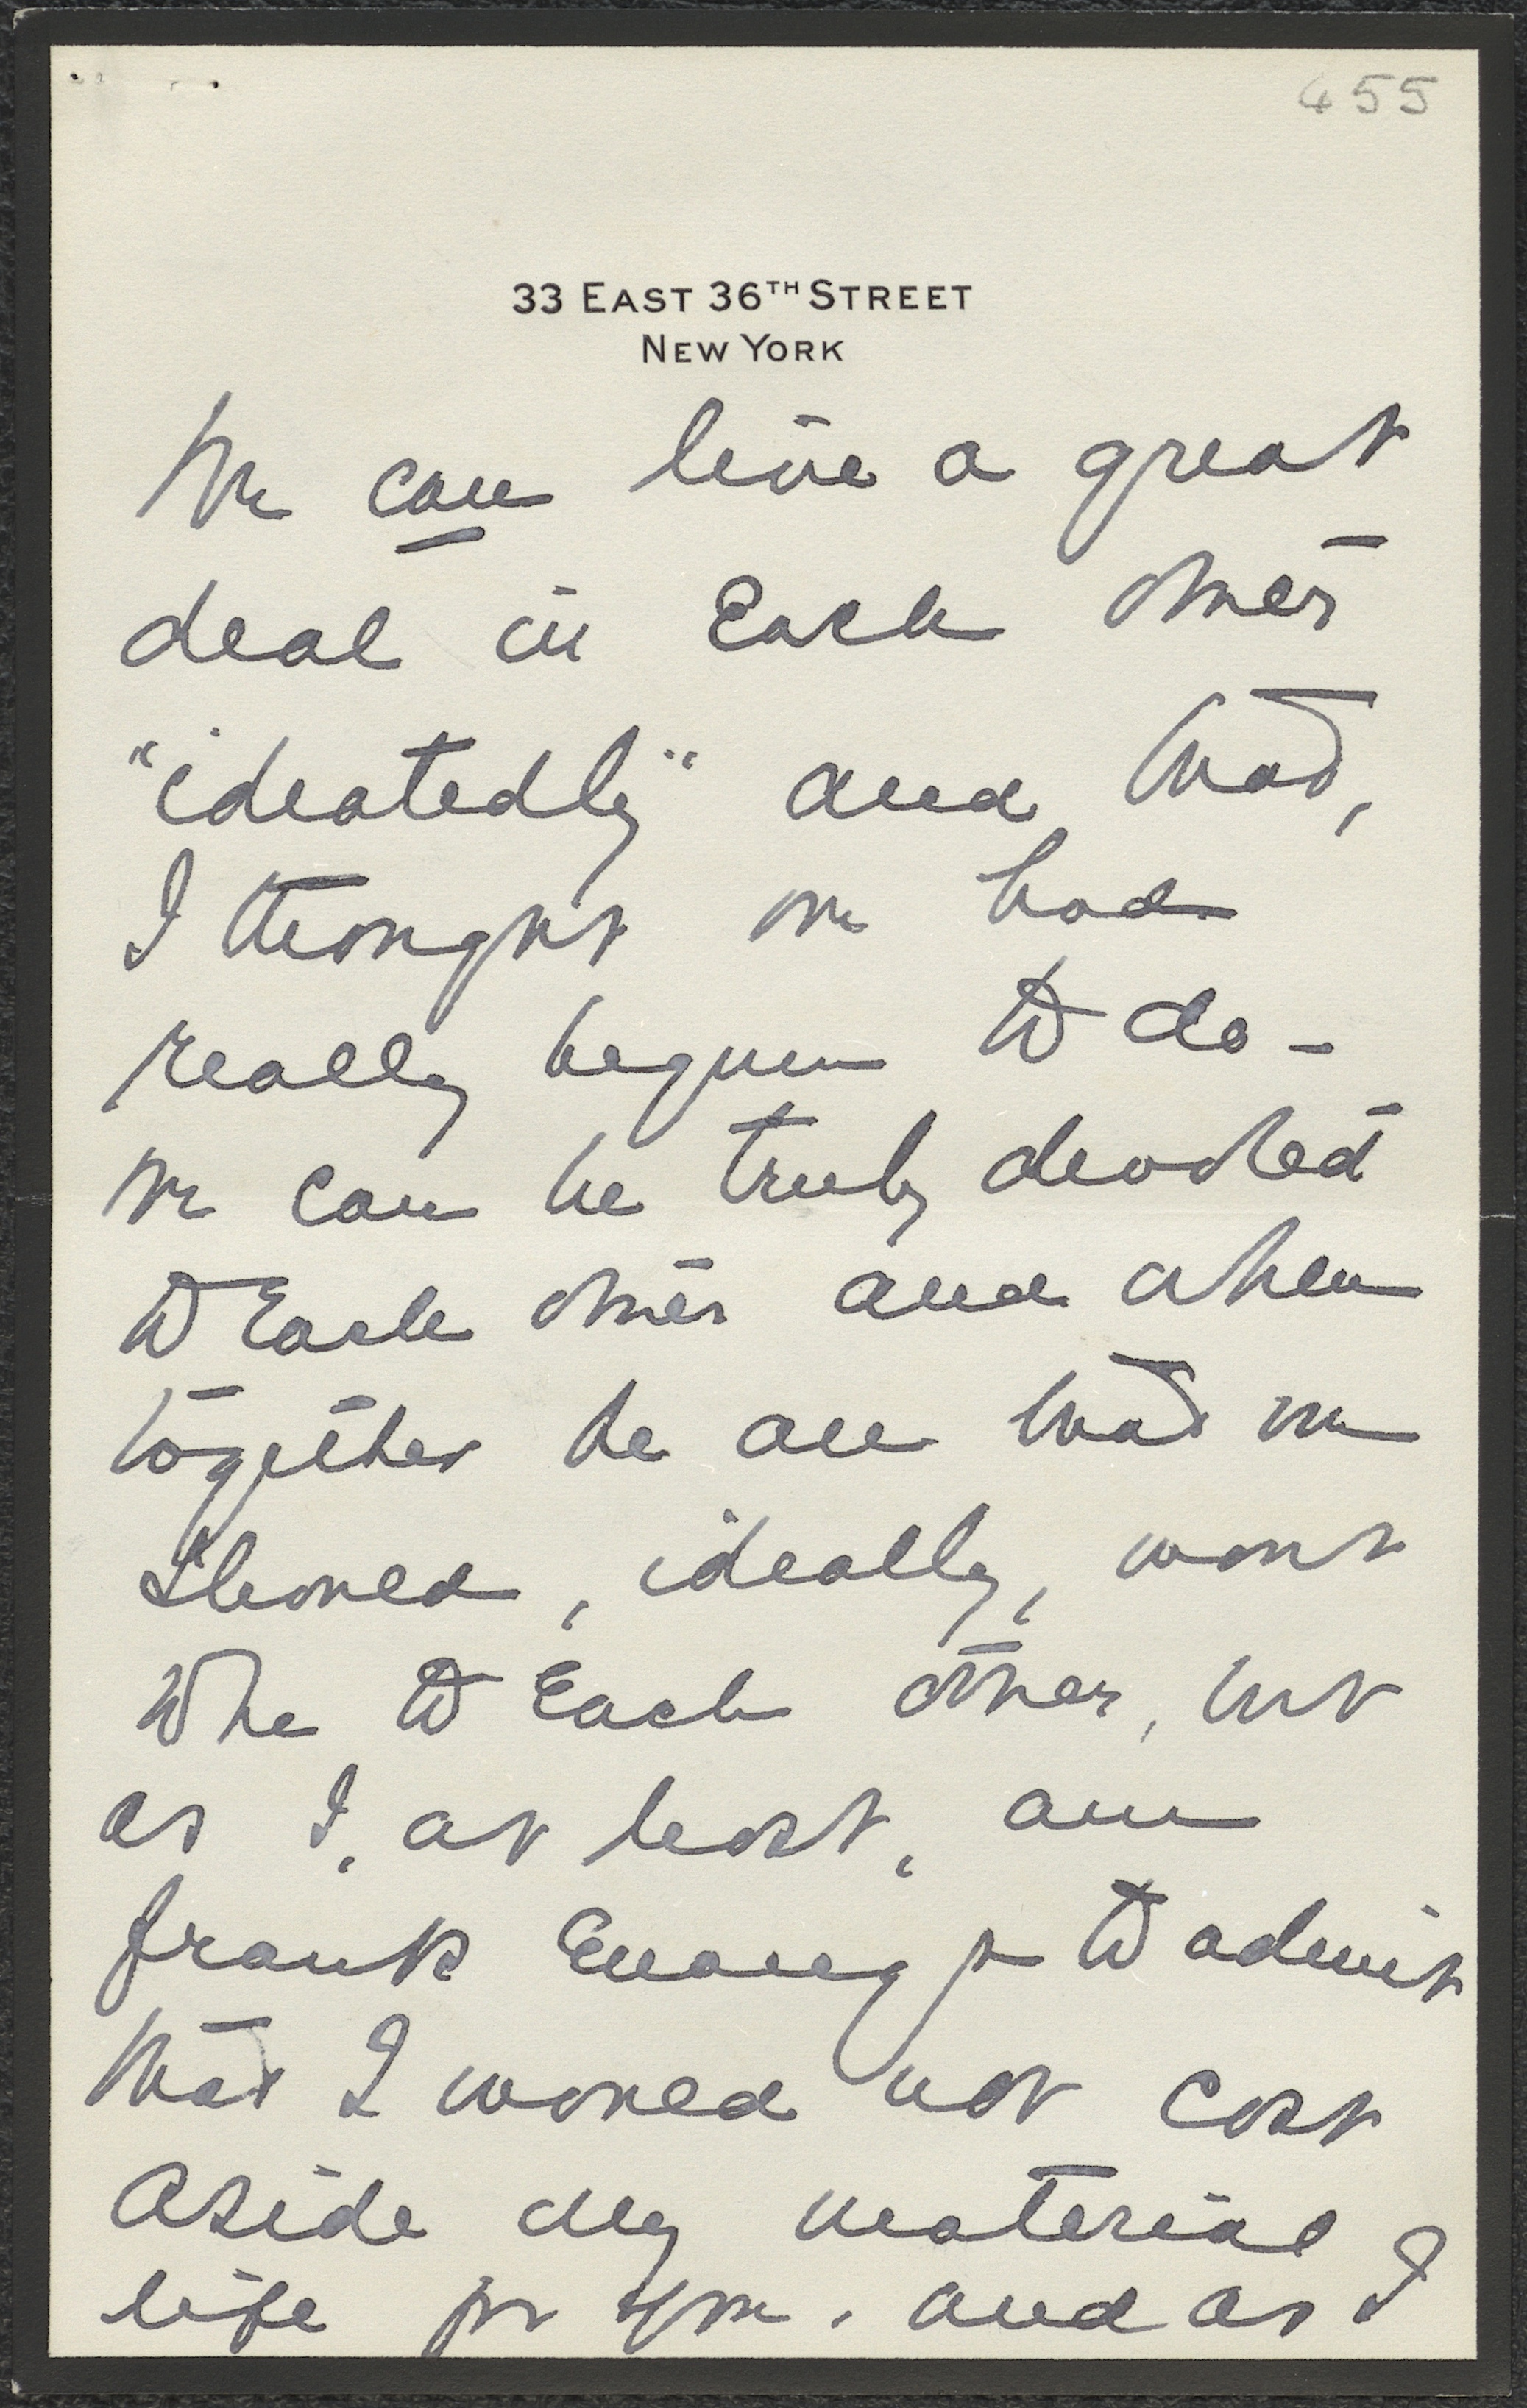We can live a great deal in each other “ideatedly”and that, I thought we had really begun to do – we can be truly devoted to each other and when together be all that we should, ideally, want to be to each other, but as I, at least, am frank enough to admit that I would not cast aside my material life for you, and as I